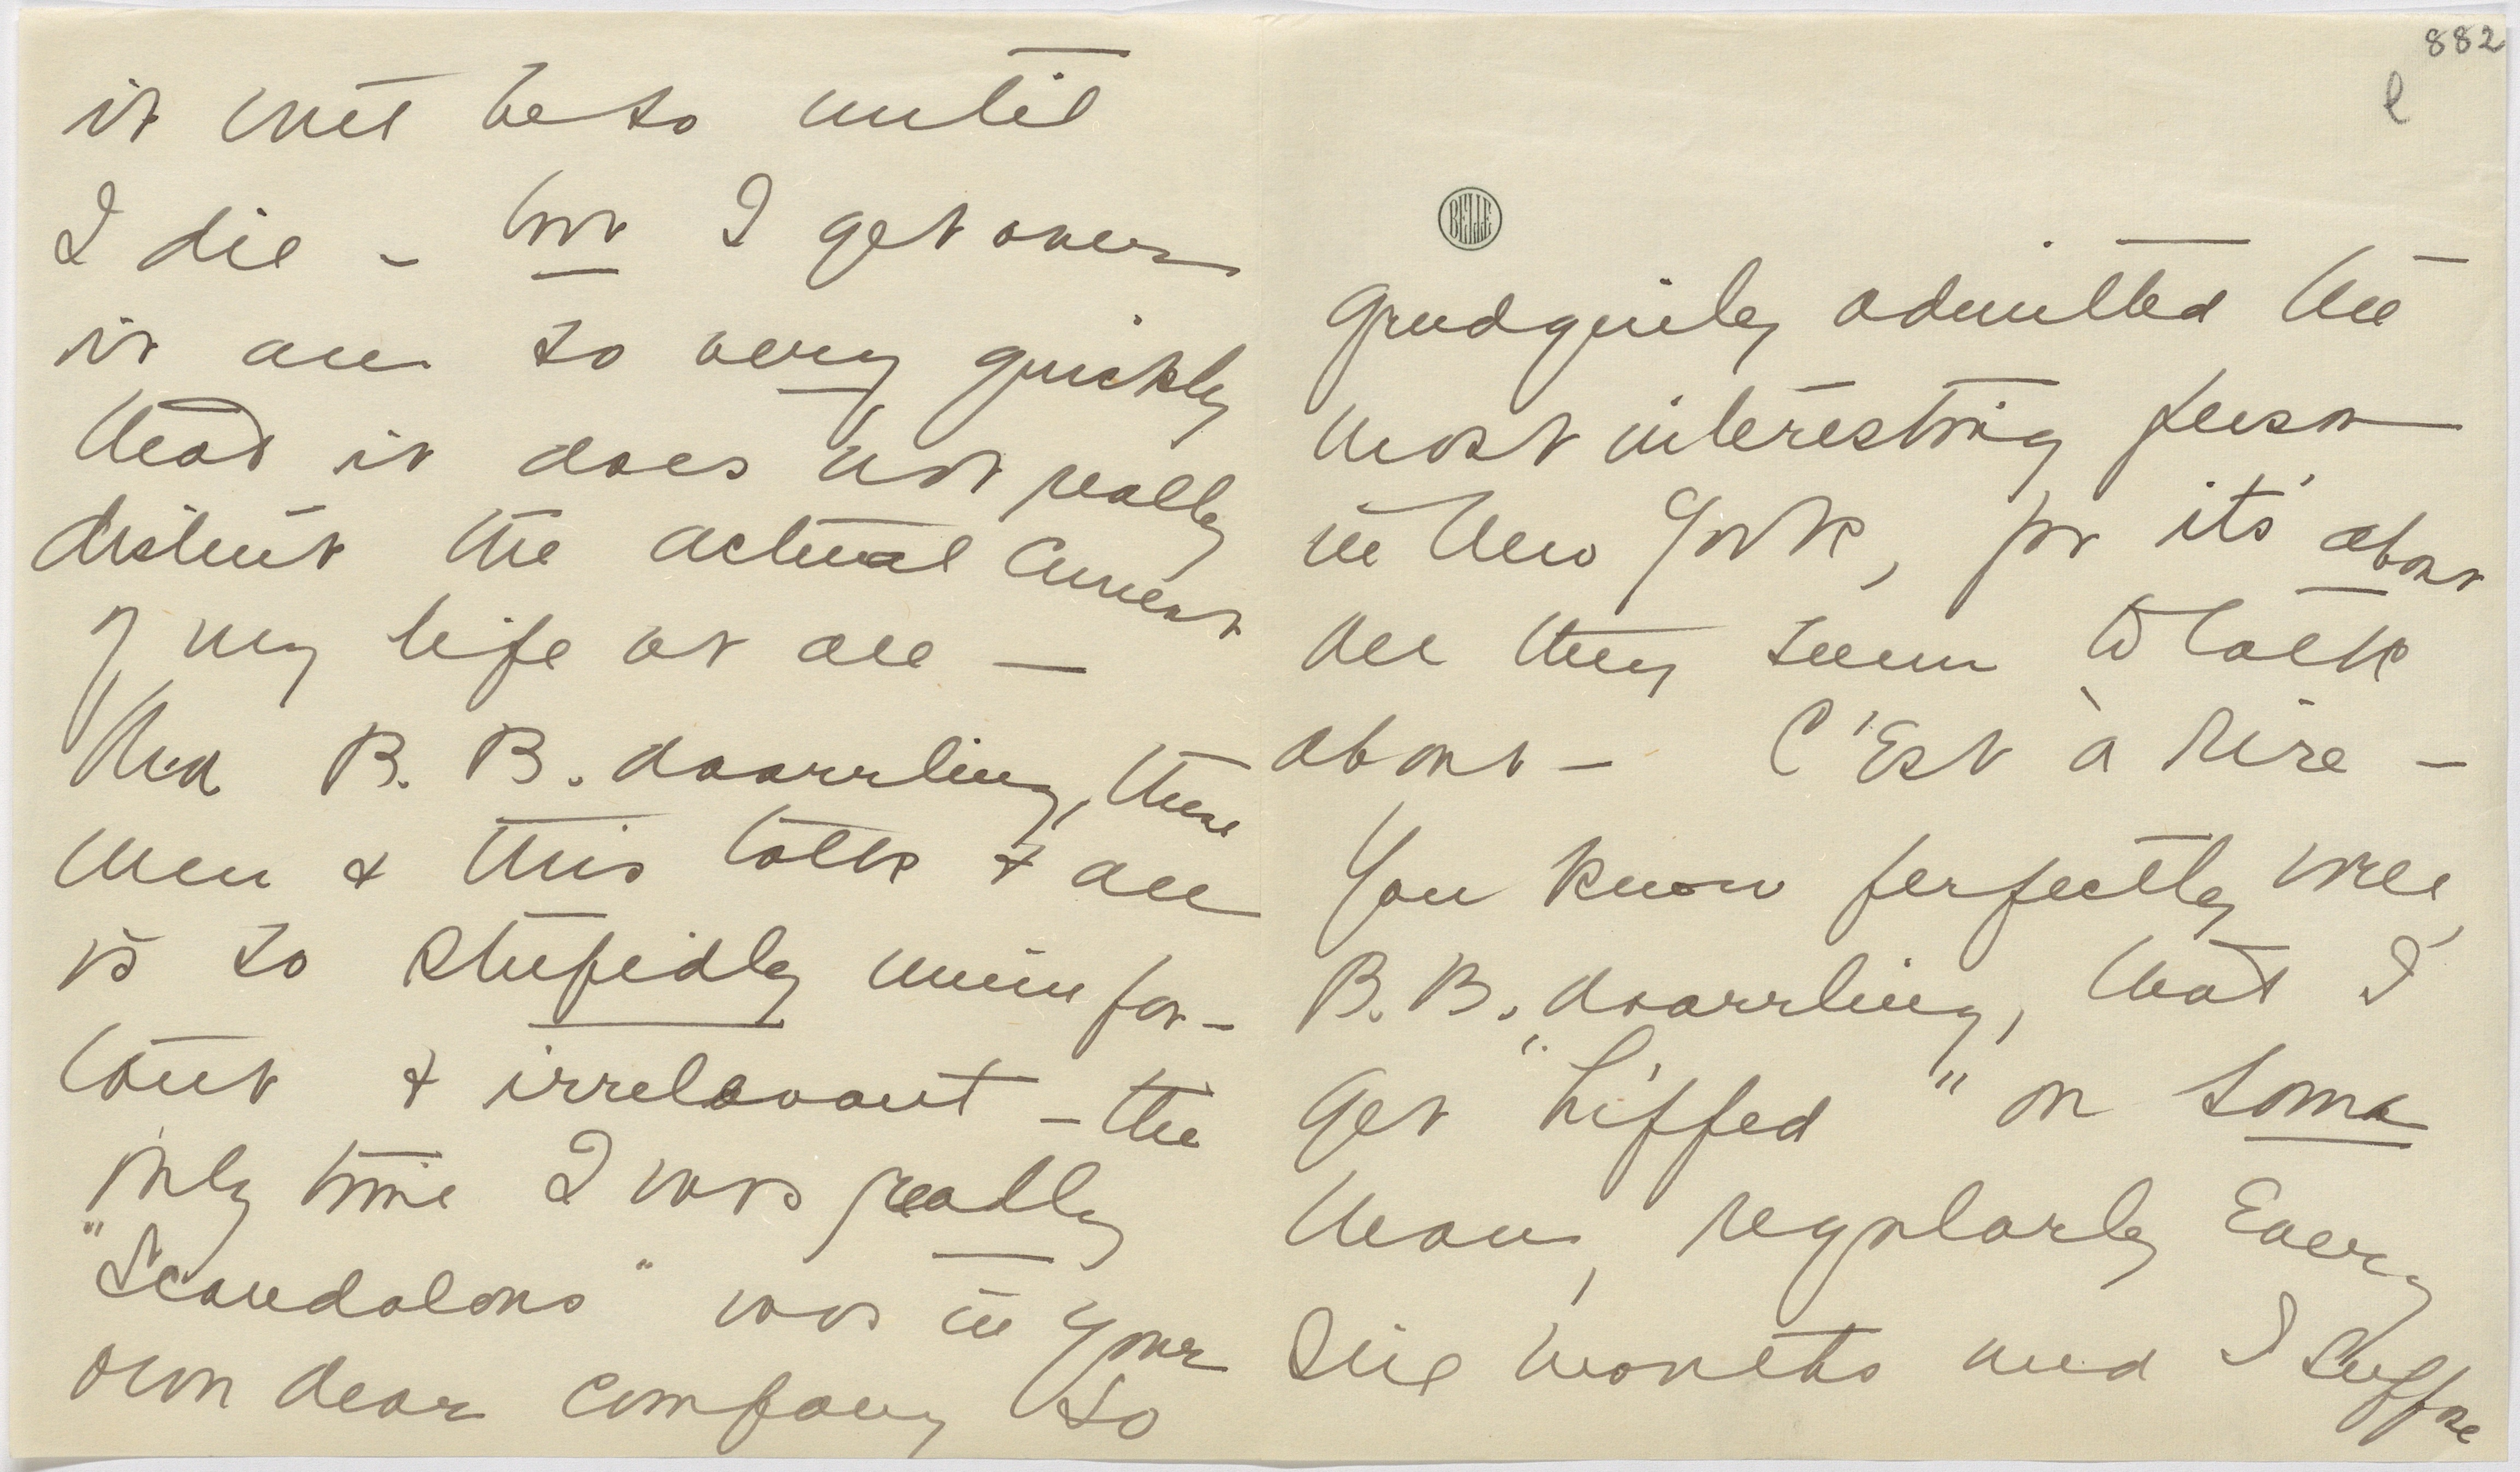grudgingly admitted the most interesting person in New York, for it’s about all they seem to talk about – C’est à rire – You know perfectly well, B. B. daarrling, that I get “hipped” on some man, regularly every six months and I suppose
it will be so until I die – but I get over it all so very quickly that it does not really disturb the actual current of my life at all – And B. B. daarring, these men & this talk & all is so stupidly unimportant & irrelevant – the only time I was really “scandalous” was in your own dear company so